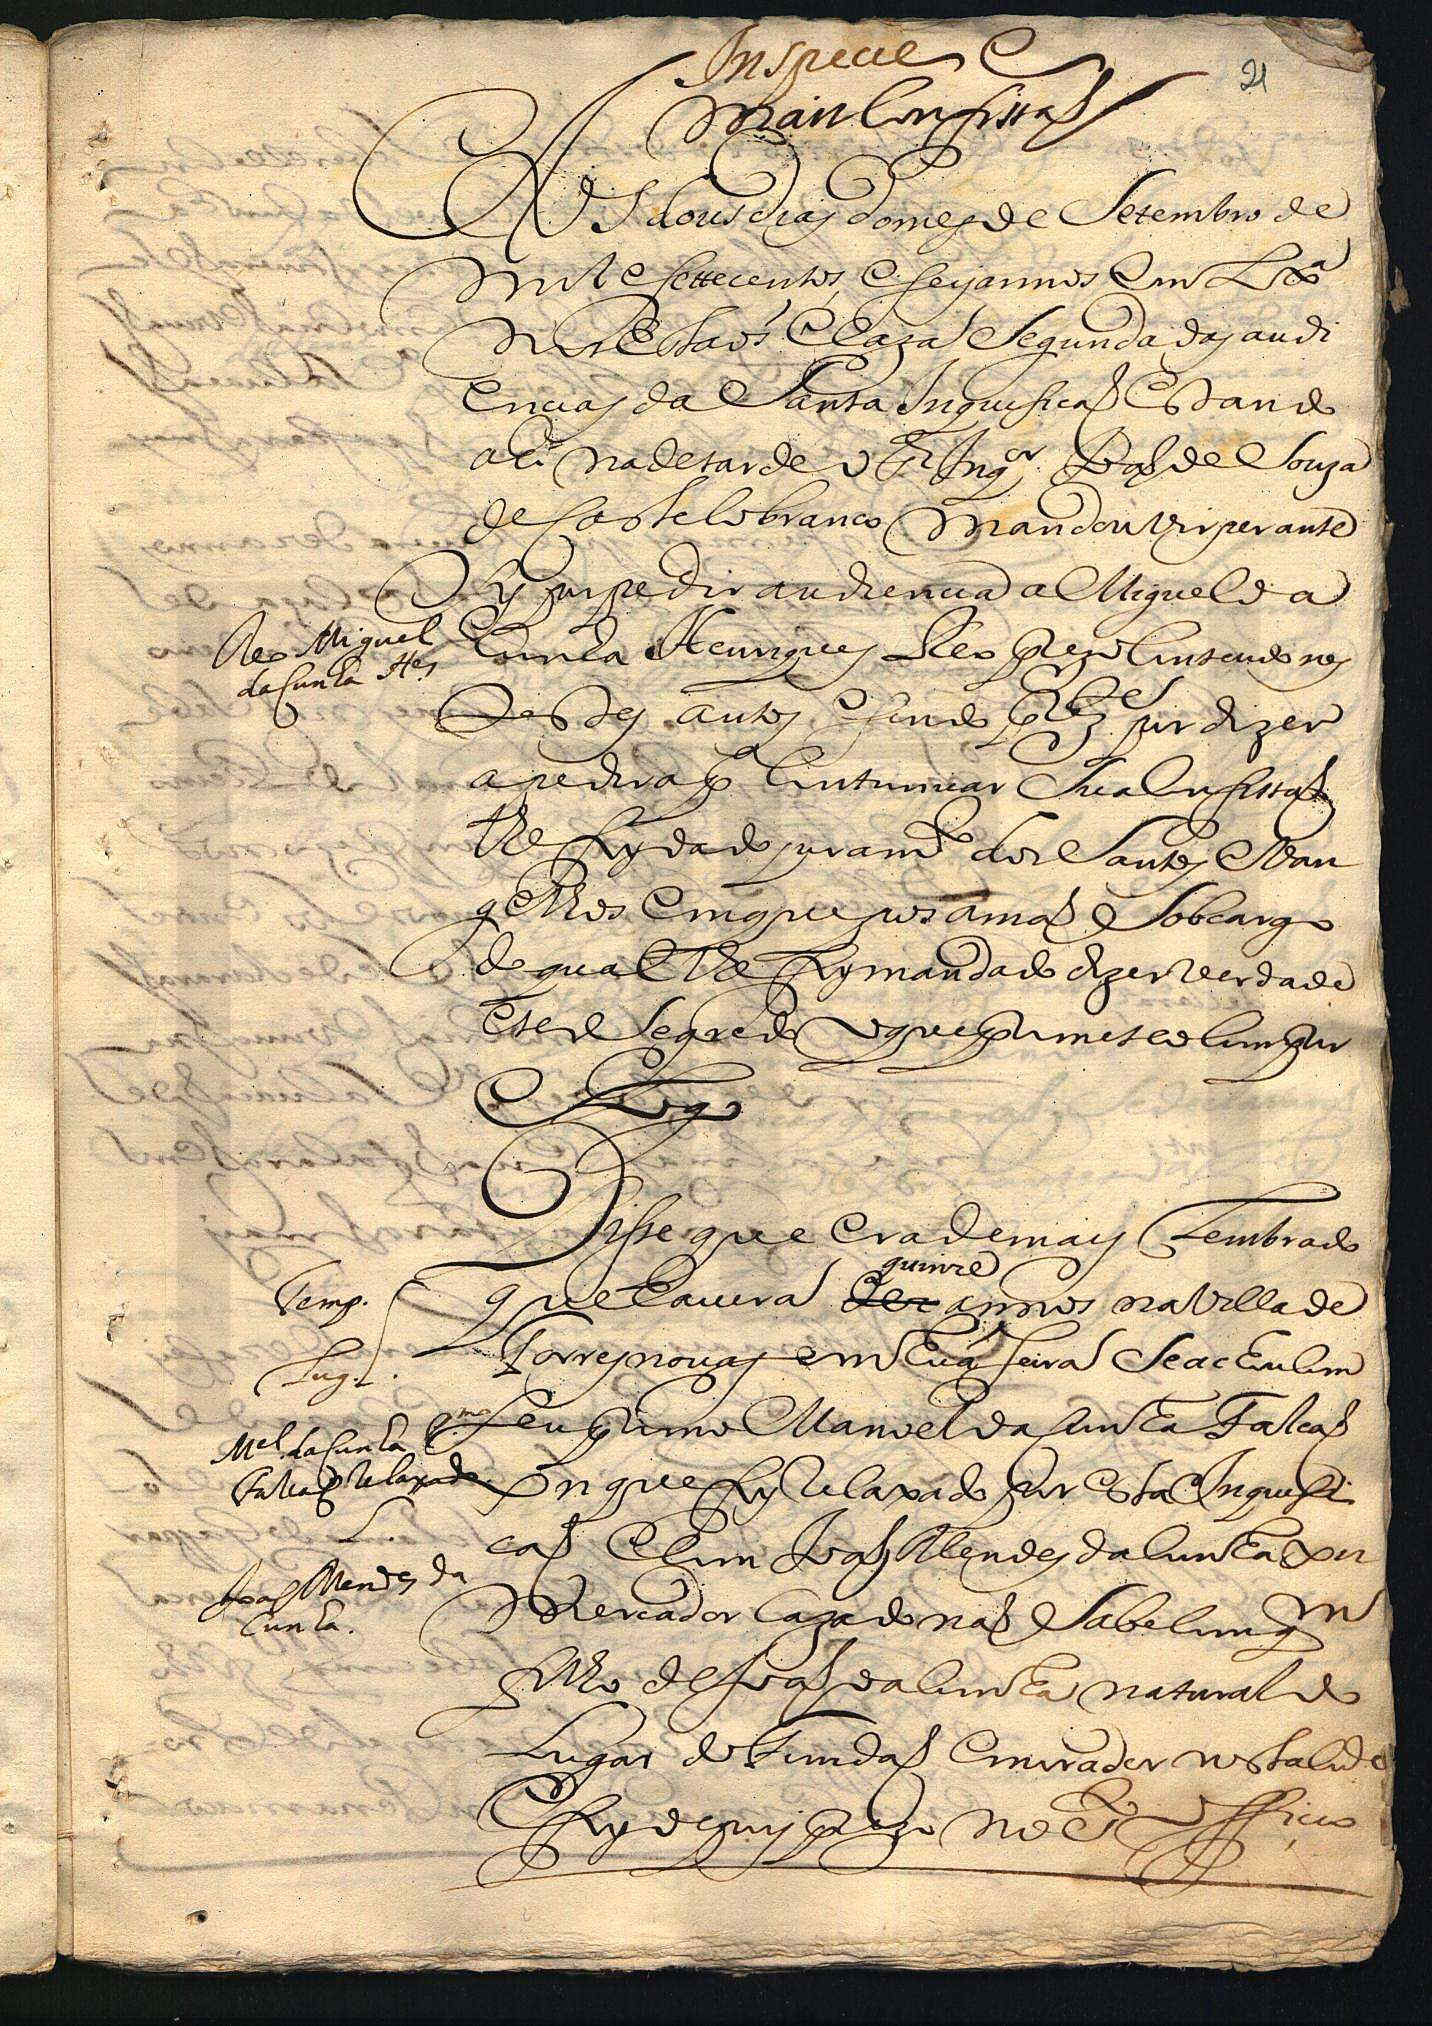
In specie
mais Confissaꝭ
Aos dous dias do mes de Setembro de
mil e settecentos e seis annos em Lxa
nos Estaos E Caza Segunda das audi
encias da Santa Inquisiçaõ Estando
ahi na de tarde o sr Inqor Joaõ de Souza
de Castelo branco mandou vir perante
sy por pedir audiencia a Miguel da
Reo Miguel
Cunha Henriques Reo pRezo Conteudo nos
da Cunha H.es
destes autos e sendo pRezte por dizer
a pedira pa Continuar Sua Confissaõ
lhe foy dado juramto dos Santos evan
gelhos em que pos a maõ Sob cargo
do qual lhe foy mandado dizer verdade
e ter Segredo o que pRometeo Cumprir
E Logo
Disse que era de mais Lembrado
quinze
Temp.
que hauera dez annos na villa de
Torres nouas em huā feira Se achou Com
Lug. L.
seu primo Manoel da Cunha Falcaõ
Mel da Cunha P.mo
Falcaõ Relaxado
xn que foy Relaxado por esta Inquesi
çaõ E com Ioaõ Mendes da Cunha xn
Joaõ Mendes da
mercador Cazado naõ Sabe com qm
Cunha.
filho de Joaõ da Cunha natural do
Lugar do Fundaõ E morador nesta Cide
E foy depois pRezo no Sto officio
